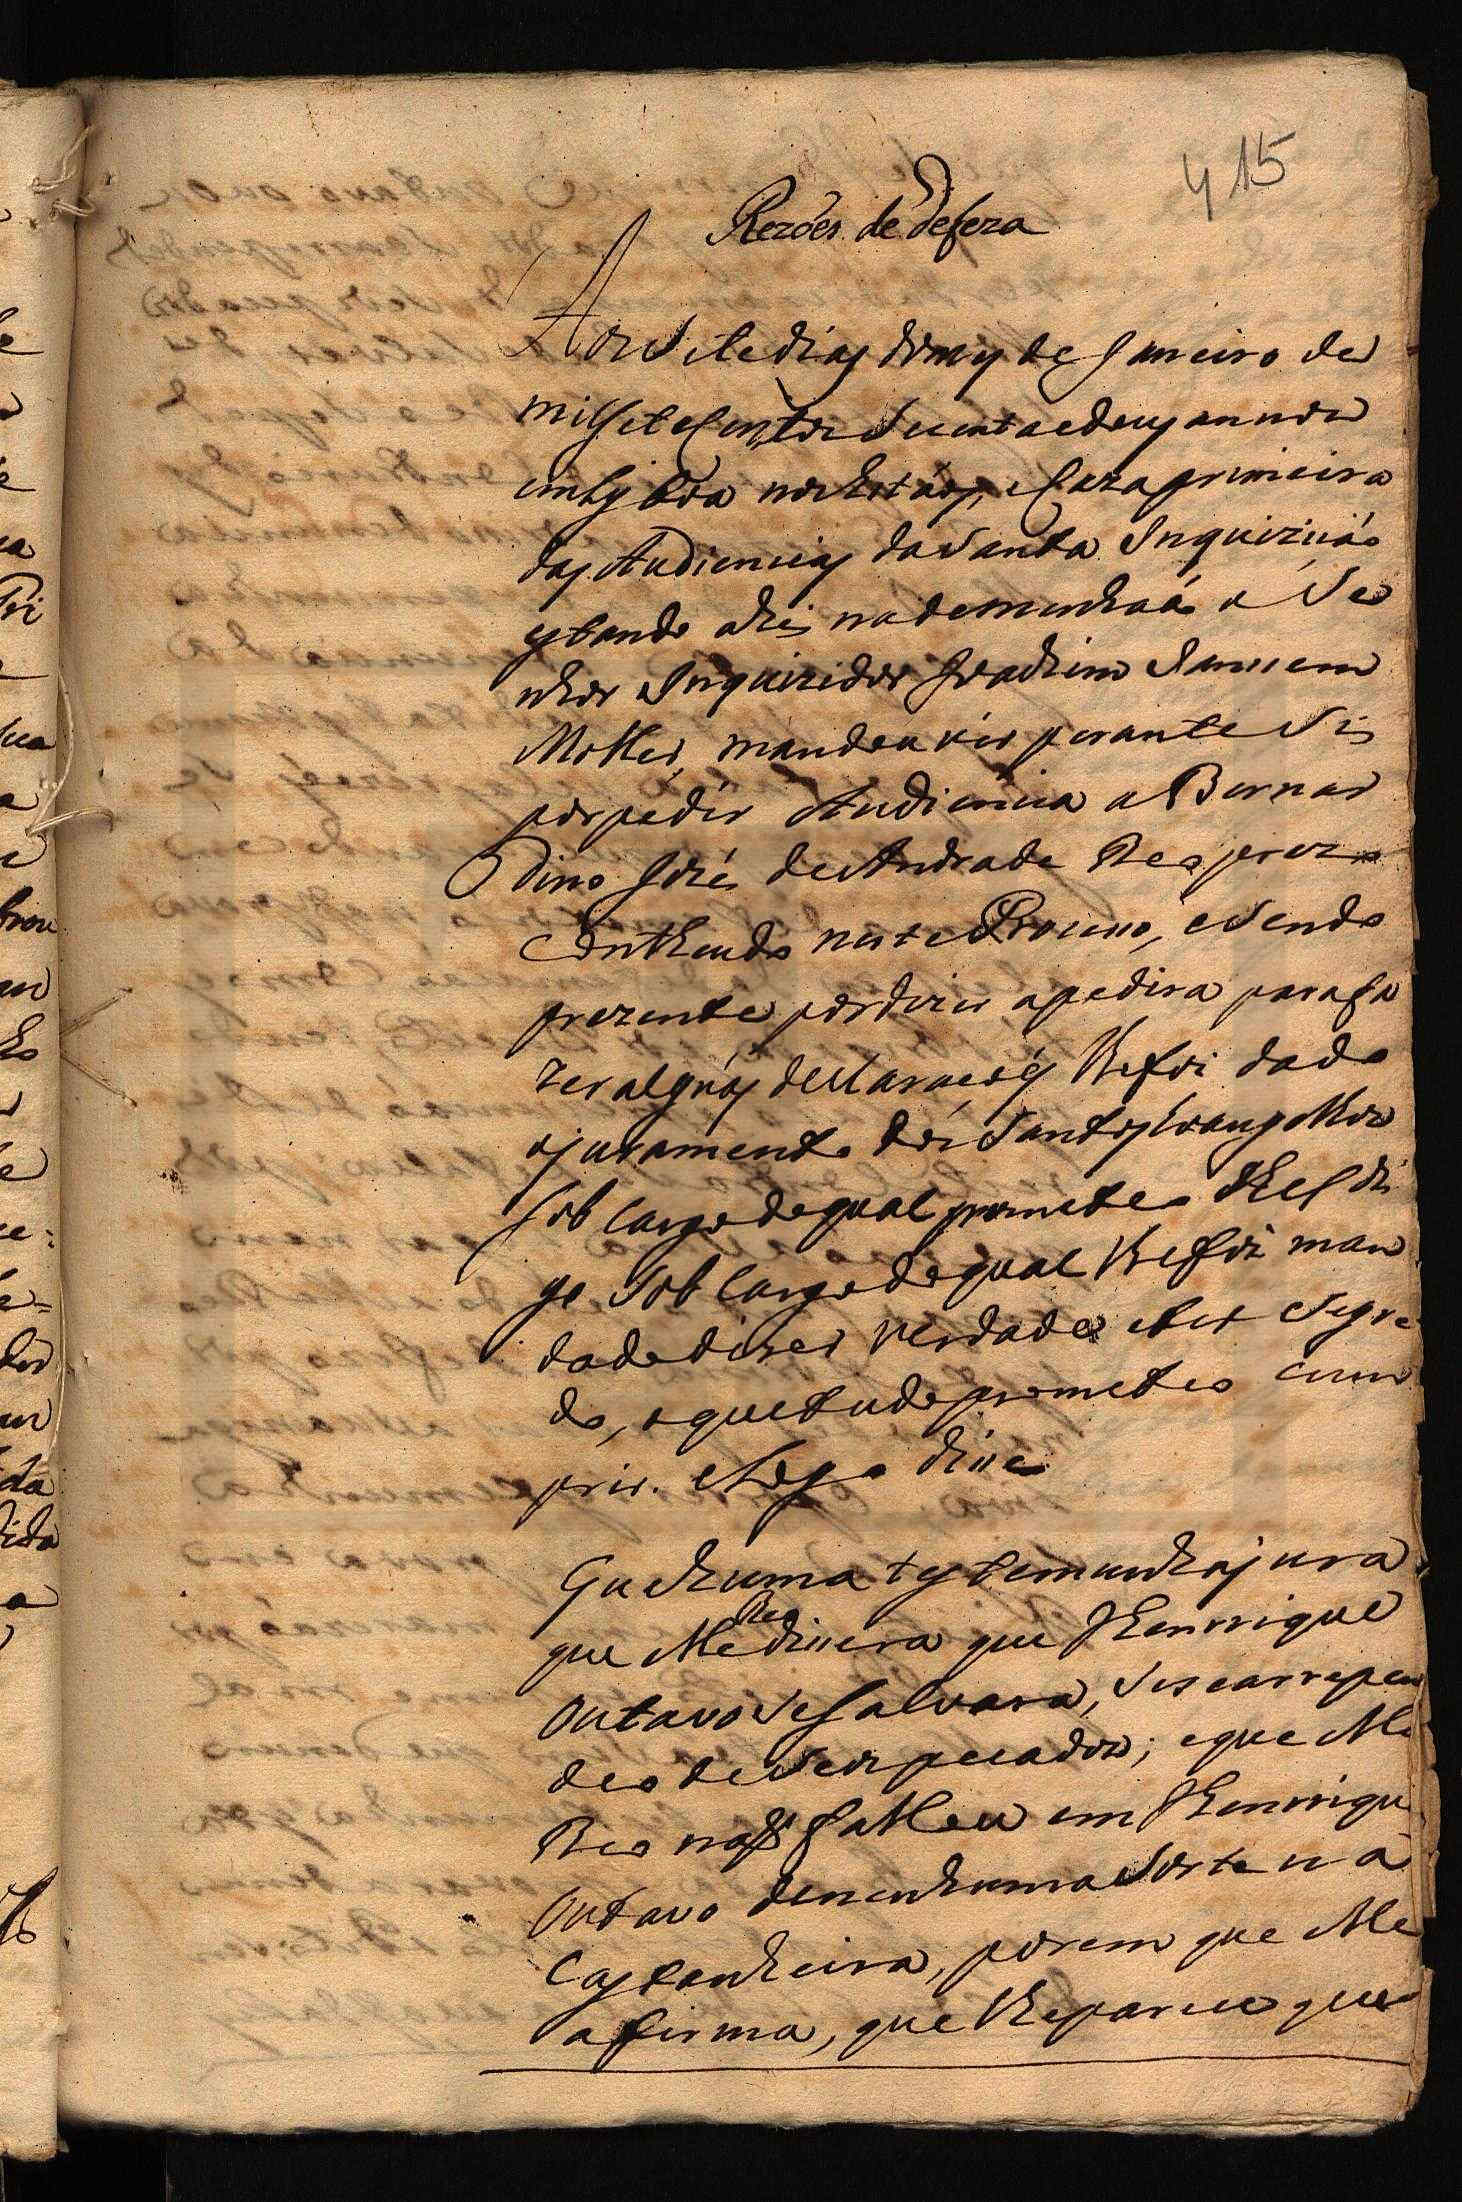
Rezoẽs de defeza
Aoz sete dias do mes de Janeiro de
mil seteCentoz secenta e dous annoz
em Lysboa nos Estáos, e Caza primeira
das Audiencias da Santa Inquiziçaõ
estando ahi na de menhaã o Se
nhor Inquizidor Joachim Ianssem
Moller, mandou vir perante Si
por pedir Audiencia a Bernar
dino Jozé de Andrade Reo prezo
contheudo neste Processo, e sendo
prezente por dizer a pedira para fa
zer alguās declaraçoẽs lhe foi dado
o juramento doz Santos Evangelhoz
sob cargo do qual prometeo lhes di
go sob cargo do qual lhe foi man
dado dizer Verdade e ter segre
do, o que tudo prometeo cum
prir. e Logo disse.
Que huma testemunha jura
que elle Reo dissera que Henrrique
Outavo se salvara, se se arrepen
deo de seoz pecadoz; e que elle
Reo naõ fallou em Henrriqu
Outavo de nenhuma sorte na
Castanheira, porem que elle
afirma, que lhe pareceo que
